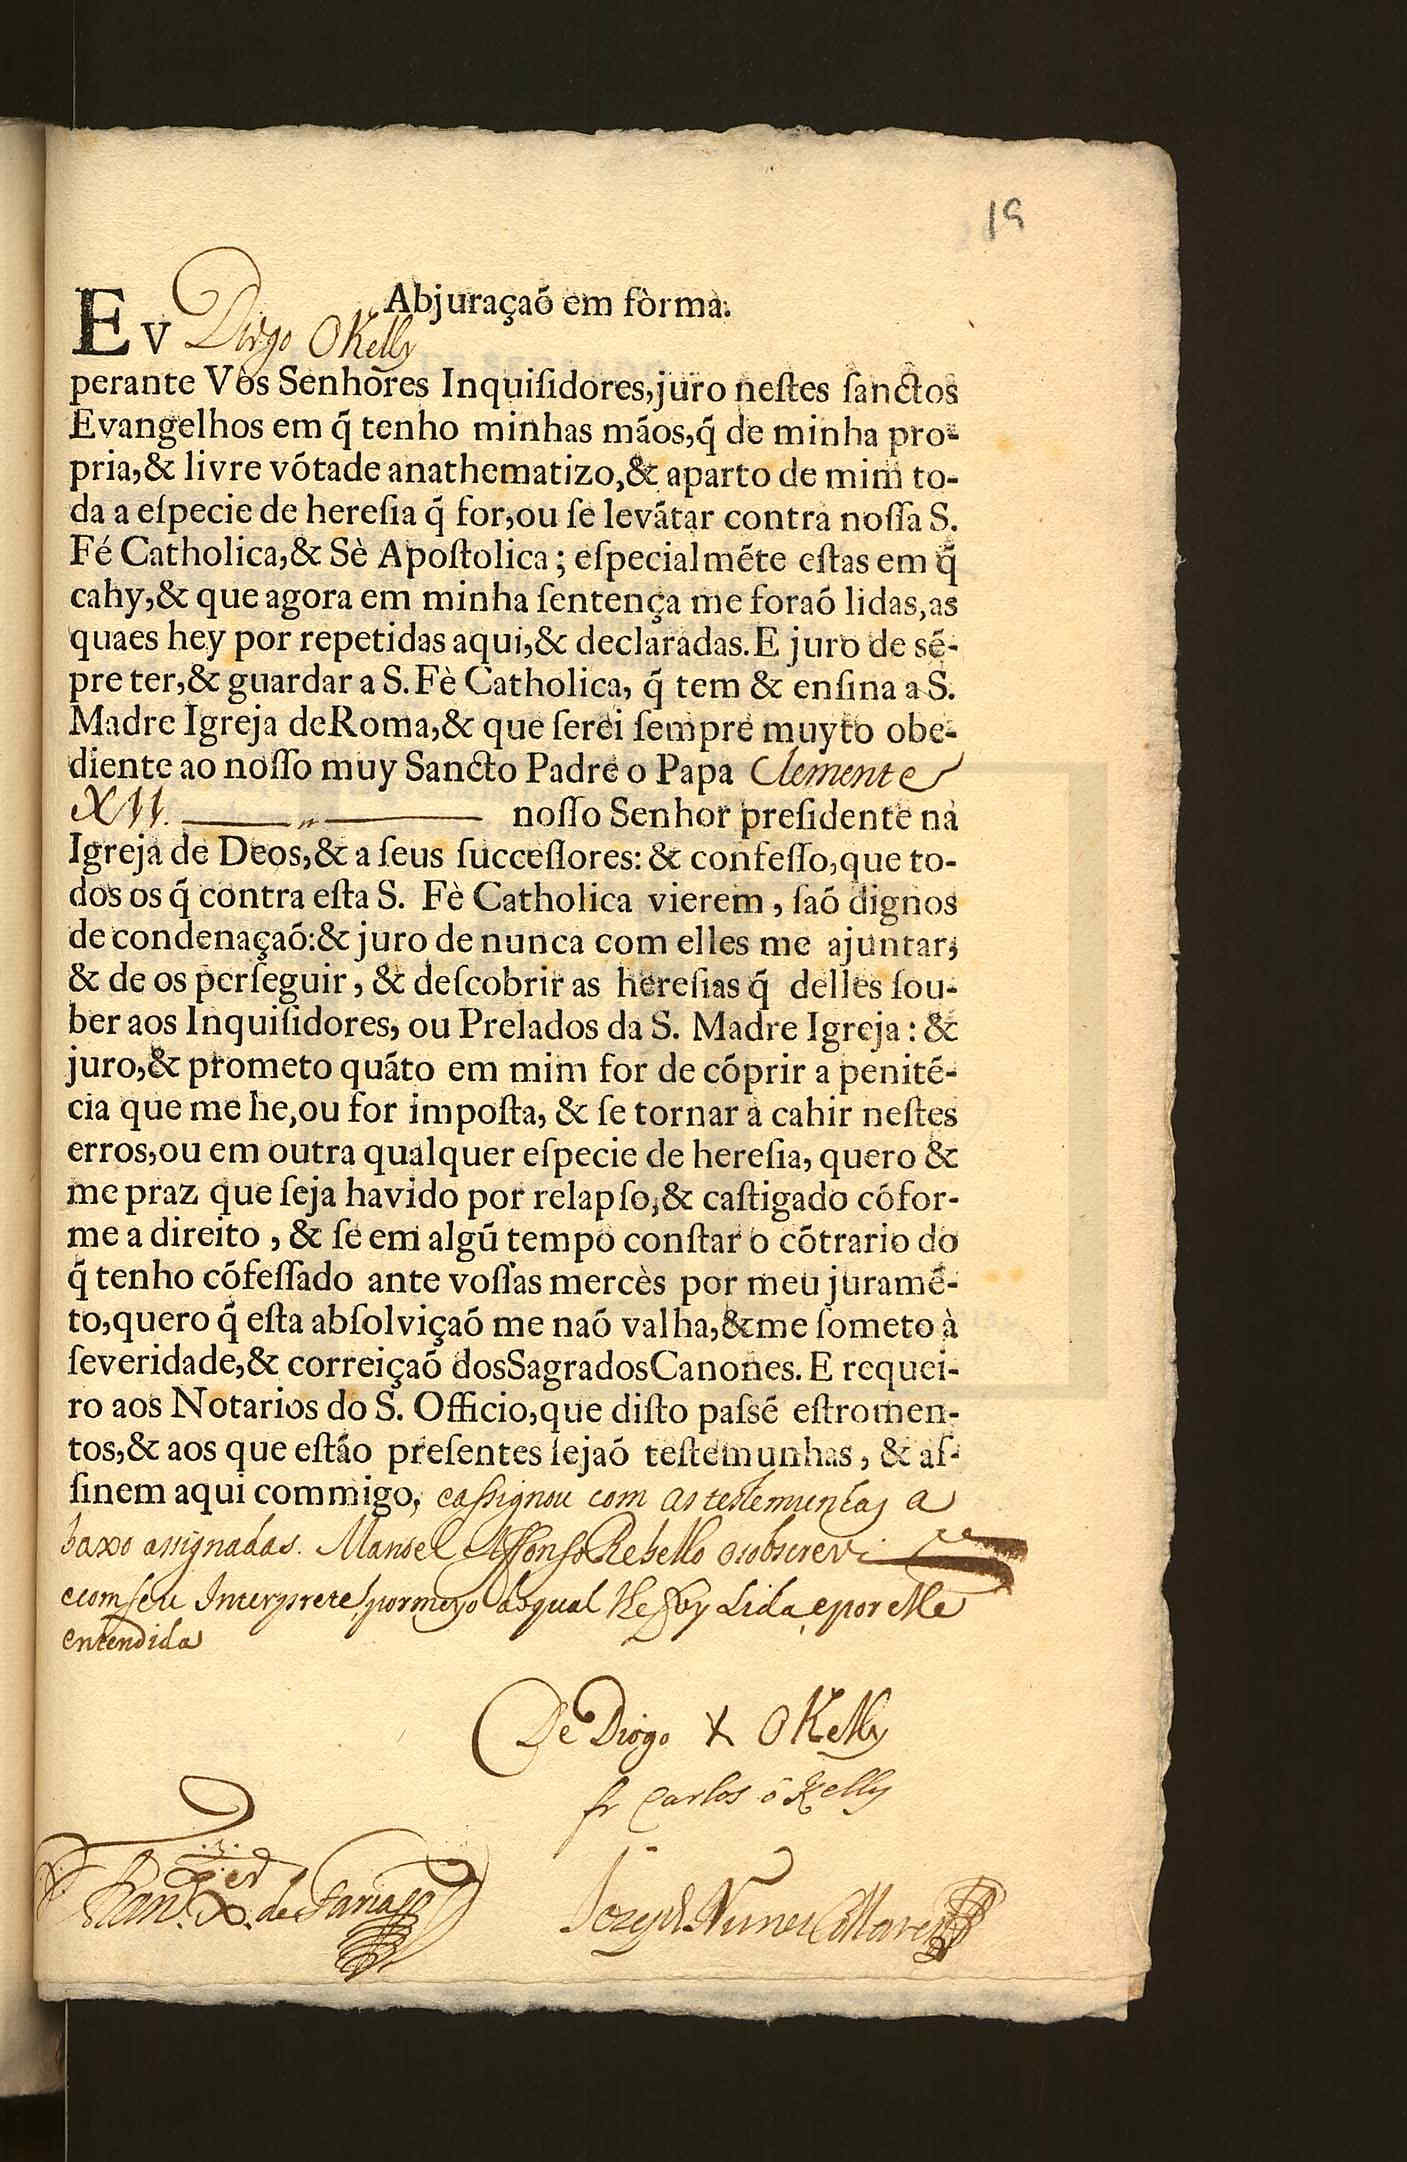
Abjuraçaõ em fòrma.
EV Diogo OKellly
perante Vòs Senhores Inquisidores, juro nestes sanctos
Evangelhos em q̄ tenho minhas mãos, q̄ de minha pro
pria, & livre vōtade anathematizo, & aparto de mim to
da a especie de heresia q̄ for, ou se levātar contra nossa S.
Fé Catholica, & Sè Apostolica; especialmēte estas em q̄
cahy, & que agora em minha sentença me foraõ lidas, as
quaes hey por repetidas aqui, & declaradas. E juro de sē
pre ter, & guardar a S. Fè Catholica, q̄ tem & ensina a S.
Madre Igreja de Roma, & que serei sempre muyto obe
diente ao nosso muy Sancto Padre o Papa Clemente
XII
nosso Senhor presidente na
Igreja de Deos, & a seus successores: & confesso, que to
dos os q̄ contra esta S. Fè Catholica vierem, saõ dignos
de condenaçaõ: & juro de nunca com elles me ajuntar,
& de os perseguir, & descobrir as heresias q̄ delles sou
ber aos Inquisidores, ou Prelados da S. Madre Igreja: &
juro, & prometo quāto em mim for de cōprir a penitē
cia que me he, ou for imposta, & se tornar a cahir nestes
erros, ou em outra qualquer especie de heresia, quero &
me praz que seja havido por relapso, & castigado cōfor
me a direito, & se em algū tempo constar o cōtrario do
q̄ tenho cōfessado ante vossas mercès por meu juramē
to, quero q̄ esta absolviçaõ me naõ valha, & me someto à
severidade, & correiçaõ dos Sagrados Canones. E requei
ro aos Notarios do S. Officio, que disto passē estromen
tos, & aos que estão presentes sejaõ testemunhas, & as
sinem aqui commigo, e assignou com as testemunhas a
baxo assignadas. Manoel ffonso Rebello o sobscrevi
e com seu Interprete, por meyo do qual lhe foy Lida, e por elle
entendida
De Diogo X O Kelly
fr Carlos ó Kelly
Fran.co X.er de Faria
Joseph Nunes Collares
